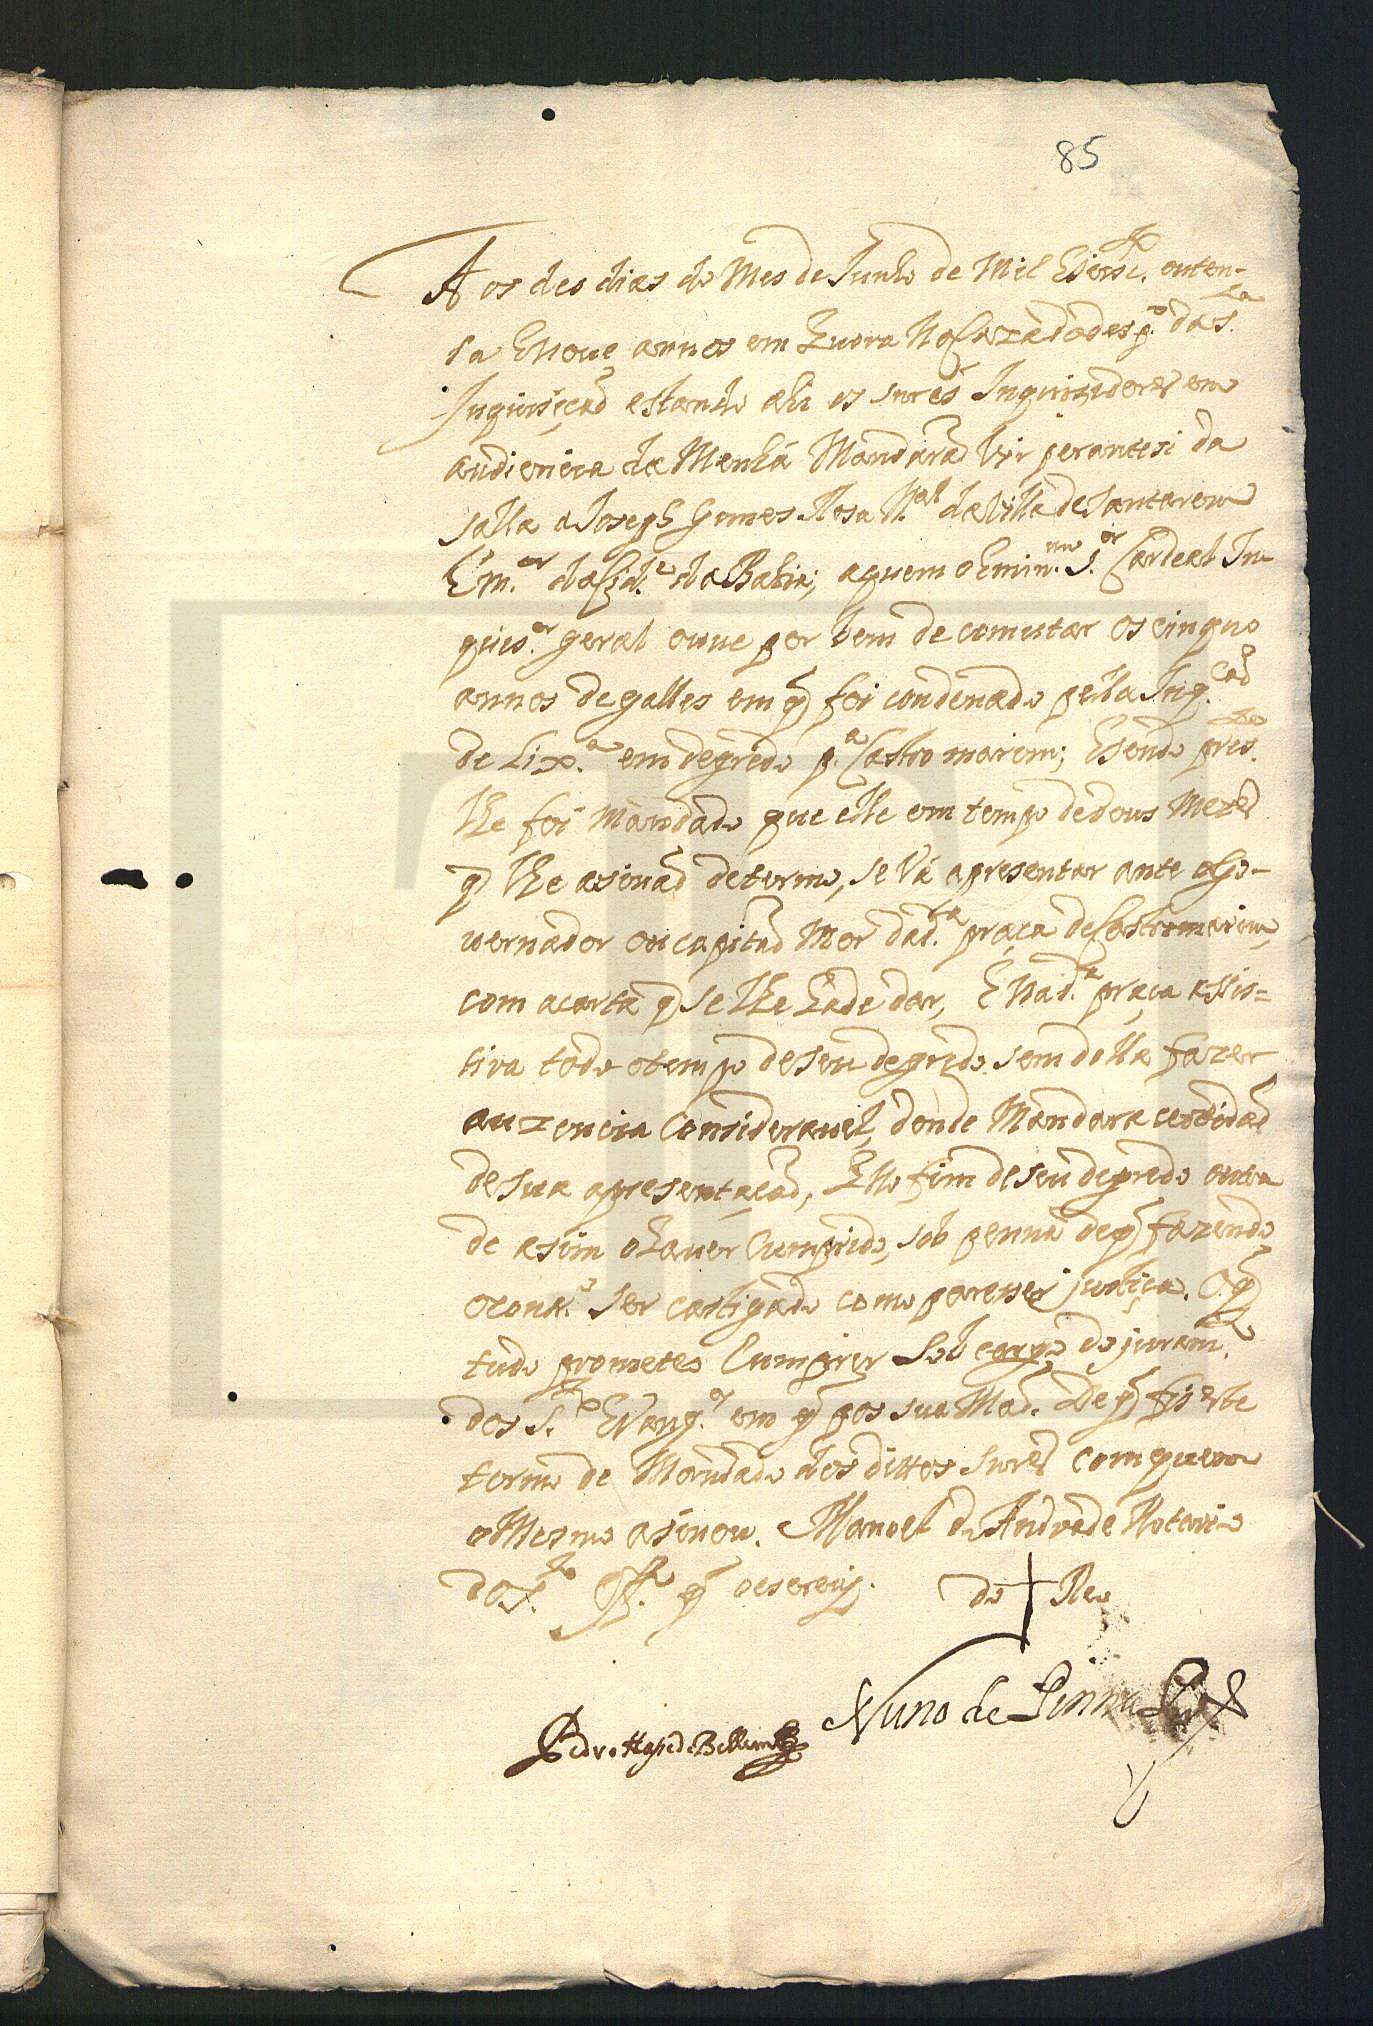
Aos des dias do Mes de Junho de Mil E seiscto. outen
ta E noue annos em Euora na Caza do desp.o da s.ta
Jnquisiçaõ estando ahi os snres̄ Inquisidores em
audiencia da Manhã Mandarão Vir perante si da
salla a Ioseph Gomes Rosa N.al da Villa de Santarem
E m.or da Cid.e da Bahia; a quem o Emin.mo S.or Cardeal In
quis.or geral ouue por bem de comutar os cinquo
annos de galles em q̄ foi condenado pella Inq.caõ
de Lix.a em degredo p.a Castro marim; E sendo pres.te
lhe foi mandado que elle em tempo de dous mezes
q̄ lhe asinaõ de termo, se Vá apresentar ante o Go
uernador ou capitaõ mor da d.a praça de Castro marim,
com a carta q̄ se lhe ha de dar, E na d.a praça assis
tira todo o tempo de seu degredo sem della fazer
auzencia considerauel, donde Mandara certidaõ
de sua apresentaçaõ, E no fim de seu degredo outra
de asim o hauer cumprido, sob penna de q̄ fazendo
o contr.o ser castigado como paresser justiça. O q̄
tudo prometeo Cumprir sob cargo do juram.to
dos S.tos EVang.os em q̄ pos sua Maõ De q̄ fiz este
termo de Mandado dos dittos Snres com quem
o Mesmo asinou. Manoel de Andrade Notario
do S.to Off.o q̄ o escreuj.
